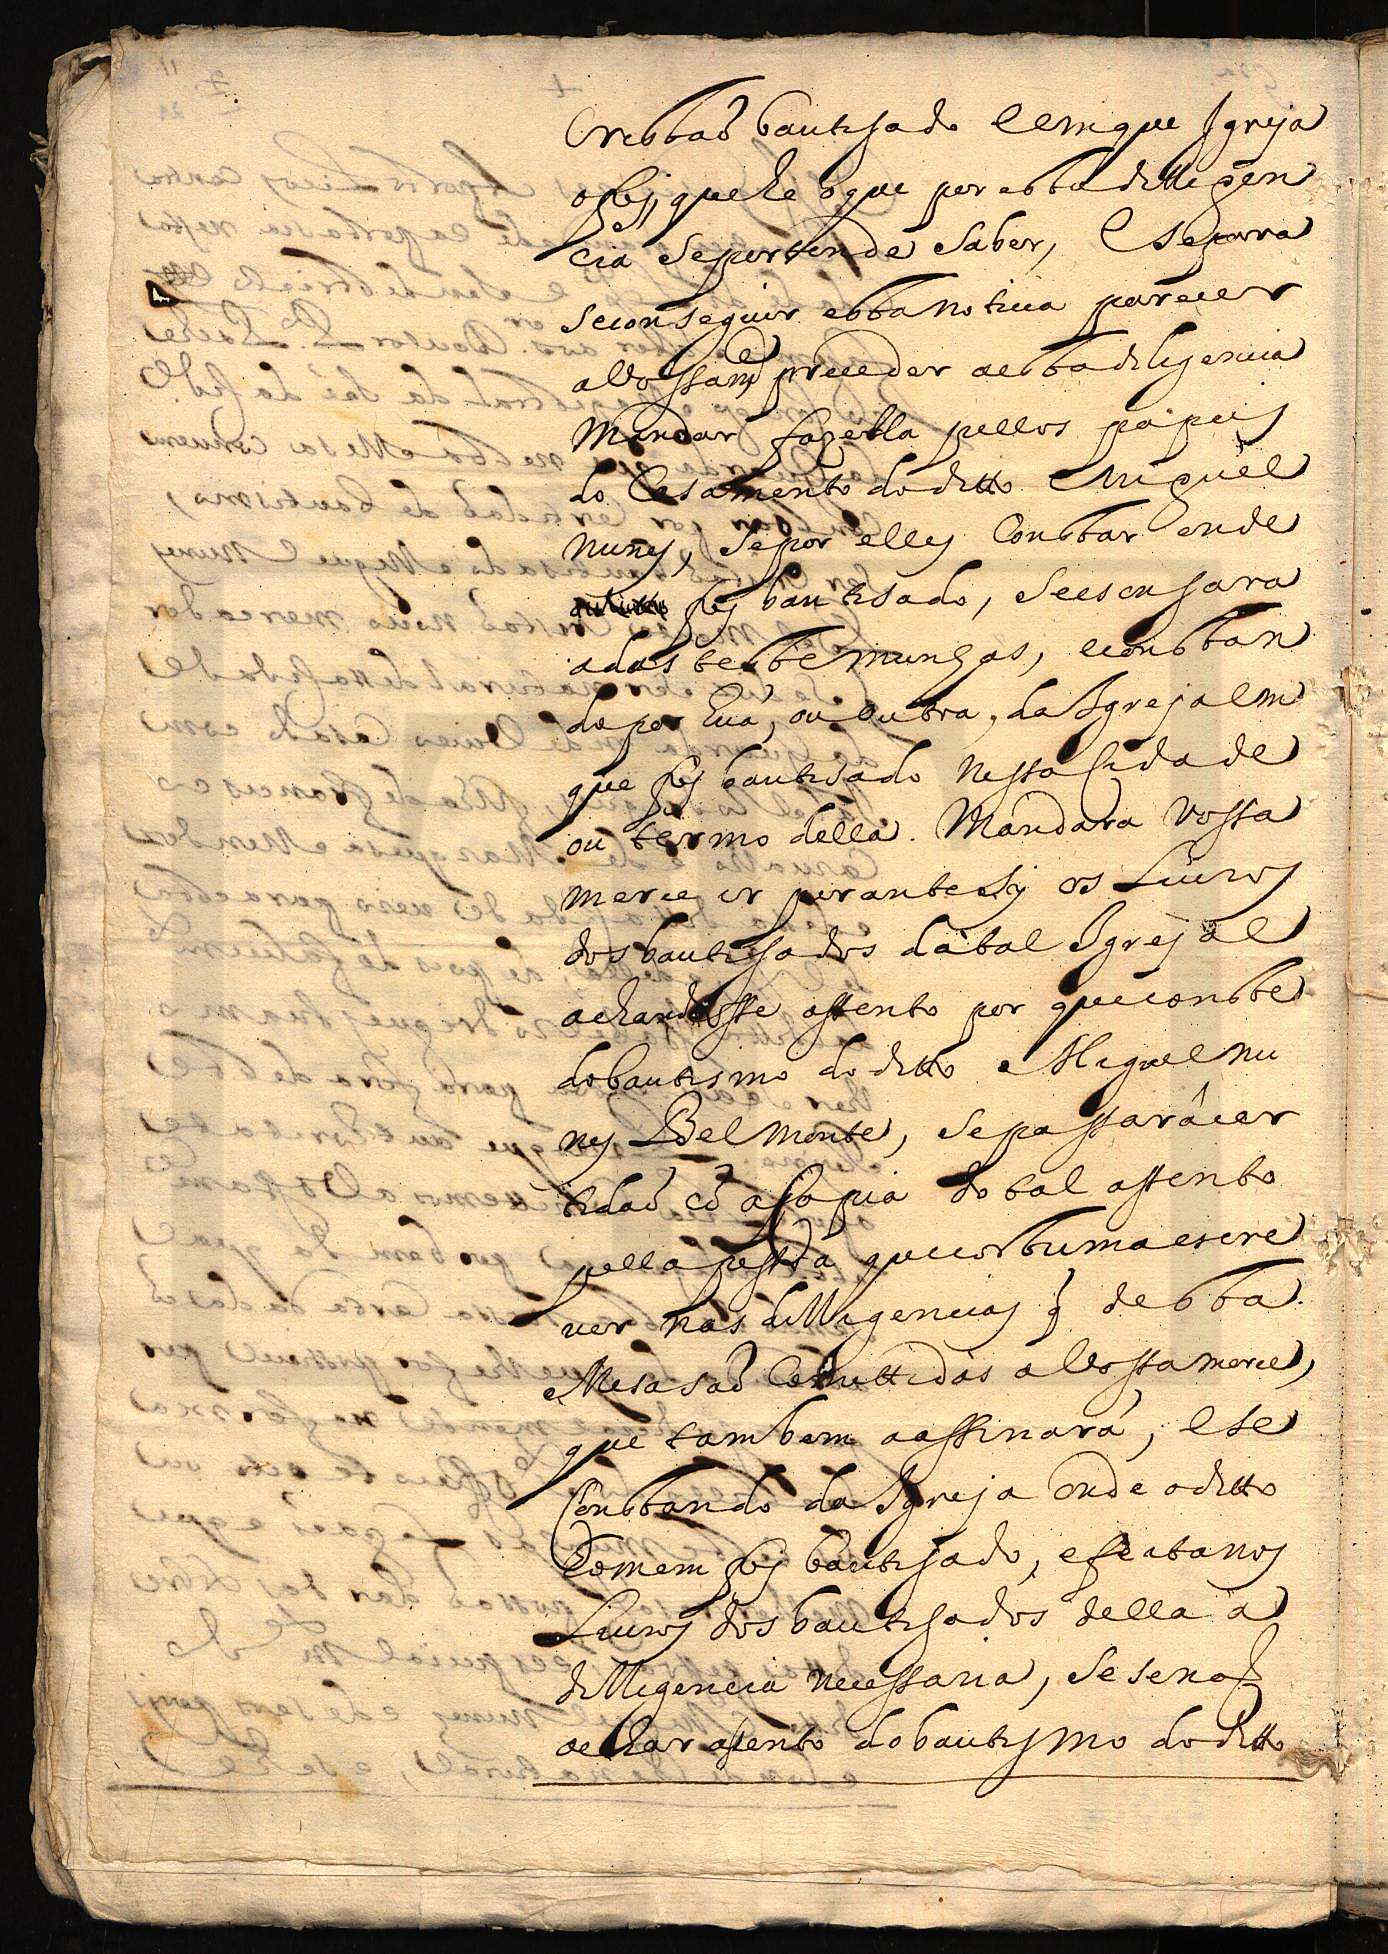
cristaõ bautisado, e em que Jgreja
o foj, que he o que por esta dillegen
cia se pertende saber, E se para
se conseguir esta noticia parecer
a Vossa mce preceder a esta diligencia
Mandar fazella pellos papeis
do Casamento do ditto Miguel
nunes, se por elles constar, onde
o ditto foy bautisado, se escusara
a das testemunhas, e constan
do por huā, ou outra, da Igreja em
que foj bautisado nesta Cidade
ou termo della. Mandara vossa
merce ir perante sy os Liuros
dos bautisados da tal Igreja e
achandosse assento porque conste
do bautismo do ditto Miguel nu
nes Belmonte, se passarâa cer
tidaõ cō a Copia do tal assento
pella pessoa que costuma escre
uer nas dilligencias q̄ desta
Mesa saõ comettidas a Vossa merce,
que tambem a assinará, e se
Constando da Igreja, onde o ditto
homem foy bautisado, e feita nos
Liuros dos bautisados della a
dilligencia necessaria, se se naõ
achar assento do bautismo do ditto
